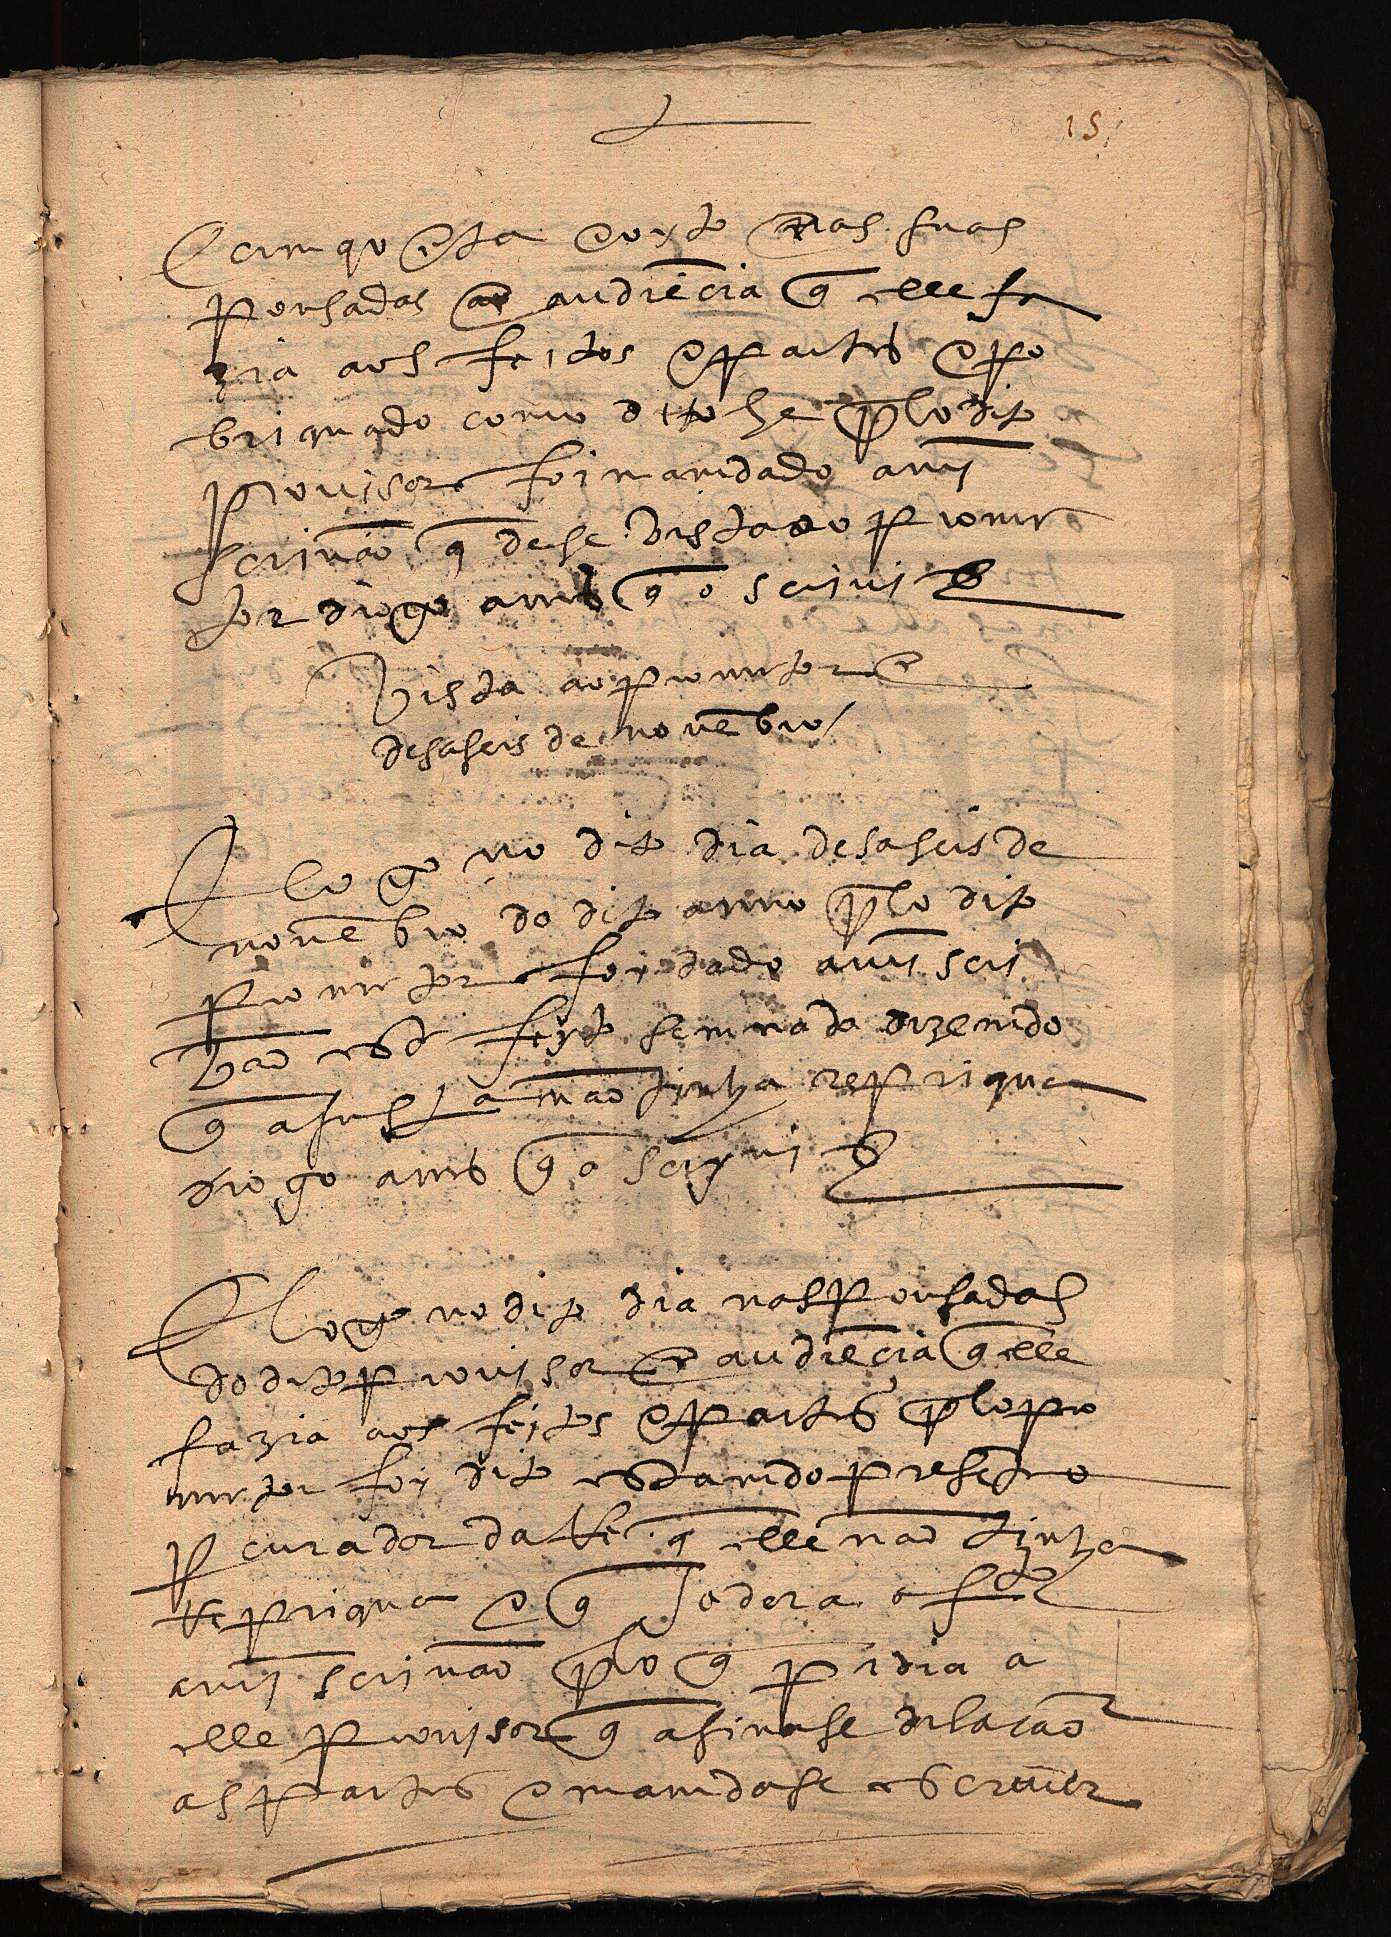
E cimqoēta e oyto nas suas
pousadas aē audiēcia q̄ elle fa
zia aos feitos e partes e po
briquado como dito he p̄lo dito
prouisor foi mamdado a mj̄
scriuão q̄ dese vista ao prome
tor diogo aires q̄ o scriui
Vista ao promotor ē
desaseis de nouēbro/
E logo no dito dia desaseis de
noūebro do dito anno p̄lo dito
prometor foy dado a mī scri
vão este feyto sem nada dizemdo
q̄ a Justa não tinha repriqua
diogo aires q̄ o scryui
E logo no dito dia nas pousadas
do dito prouisor ē audiēçia q̄ elle
fazia aos fejtos e partes p̄lo pro
metor foy dito estamdo presēte o
ꝑcurador da Re q̄ elle não tinha
Repriqua e q̄ Ja dera o fto
a mj̄ scriuão p̄lo q̄ pidia a
elle proujsor q̄ asinase dilacão
as partes e mamdase escreuer
